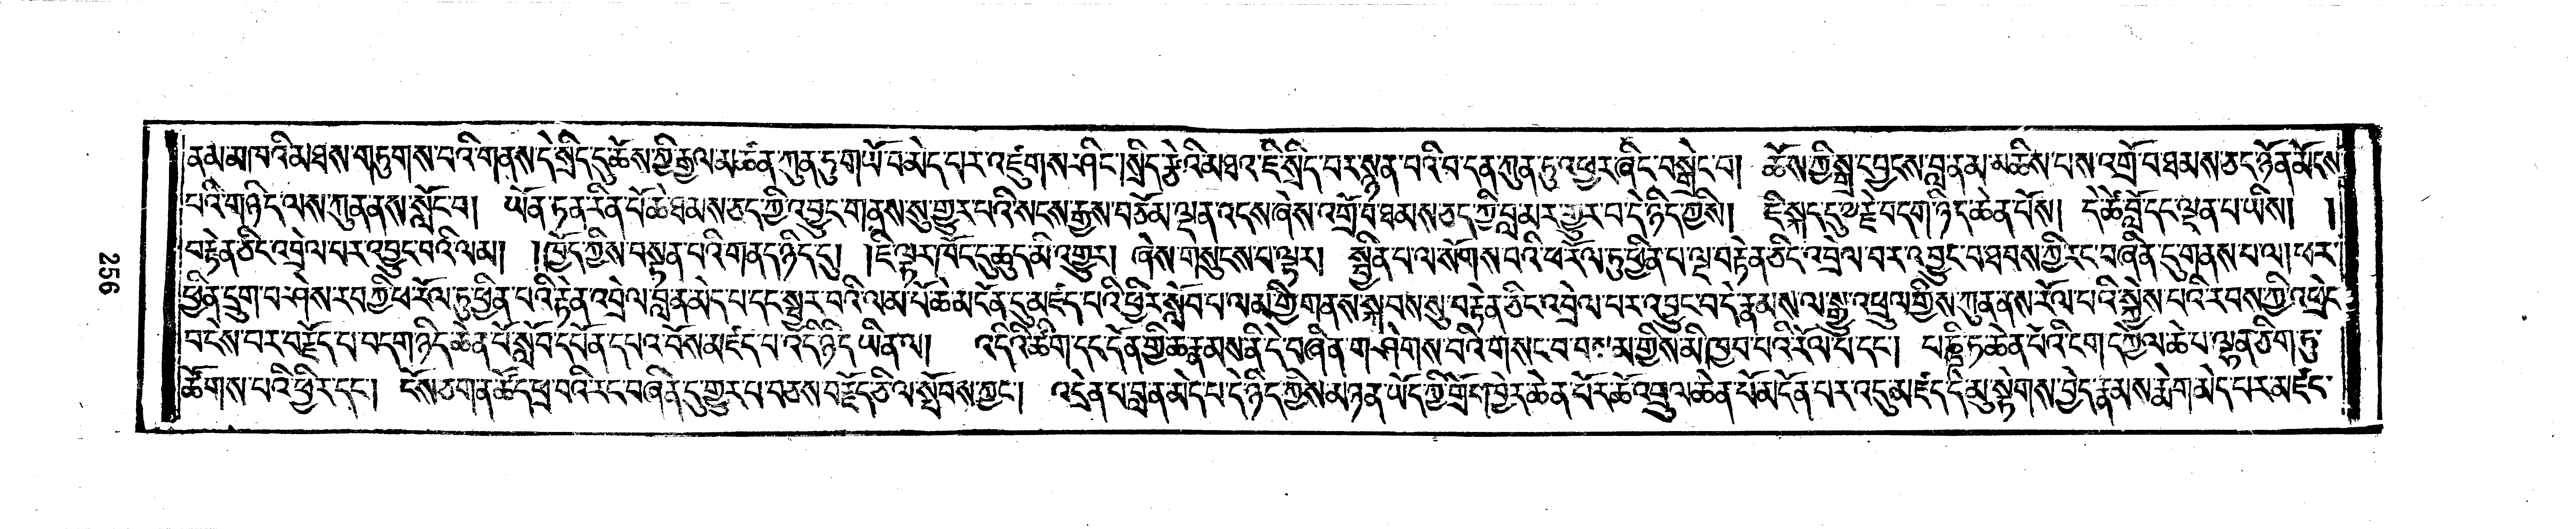ནམ་མཁའི་མཐས་གཏུགས་པའི་གནས་དེ་སྲིད་དུ་ཆོས་ཀྱི་རྒྱལ་མཚན་ཀུན་ཏུ་གཡོ་བ་མེད་པར་འཛུགས་ཤིང་།སྲིད་རྩེའི་མཐའ་ཇི་སྲིད་པར་སྙན་པའི་བ་དན་ཀུན་ཏུ་འཕྱར་ཞིང་བསྒྲེང་བ། ཆོས་ཀྱི་སྒྲ་དབྱངས་བླ་ནམ་མཆིས་པས་འགྲོ་བ་ཐམས་ཅད་ཉོན་མོངས་
པའི་གཉིད་ལས་ཀུན་ནས་སློང་བ། ཡོན་ཏན་རིན་པོ་ཆེ་ཐམས་ཅད་ཀྱི་འབྱུང་གནས་སུ་གྱུར་པའི་སངས་རྒྱས་བཅོམ་ལྡན་འདས་ཞེས་འགྲོ་བ་ཐམས་ཅད་ཀྱི་བླ་མར་གྱུར་བ་དེ་ཉིད་ཀྱིས། ཇི་སྐད་དུ་༧་རྗེ་བདག་ཉིད་ཆེན་པོས། དེ་ཚེ་བློ་དང་ལྡན་པ་ཡིས། །
བརྟེན་ཅིང་འབྲེལ་བར་འབྱུང་བའི་ལམ། །ཁྱོད་ཀྱིས་བསྟན་པའི་གནད་ཉིད་དུ། །ཇི་ལྟར་ཁོང་དུ་ཆུད་མི་འགྱུར། ཞེས་གསུངས་པ་ལྟར། སྦྱིན་པ་ལ་སོགས་པའི་ཕ་རོལ་ཏུ་ཕྱིན་པ་ལྔ་བརྟེན་ཅིང་འབྲེལ་བར་འབྱུང་བ་ཐབས་ཀྱི་རང་བཞིན་དུ་གནས་པ་ལ། ཕར་
ཕྱིན་དྲུག་པ་ཤེས་རབ་ཀྱི་ཕ་རོལ་ཏུ་ཕྱིན་པའི་རྟེན་འབྲེལ་བླ་ན་མེད་པ་དང་སྦྱར་བའི་ལམ་པོ་ཆེ་མངོན་དུ་མཛད་པའི་ཕྱིར་སློབ་པ་ལམ་གྱི་གནས་སྐབས་སུ་བརྟེན་ཅིང་འབྲེལ་བར་འབྱུང་བ་དེ་རྣམས་ལ་སྒྱུ་འཕྲུལ་གྱིས་ཀུན་ནས་རོལ་པའི་སྐྱེས་པའི་རབས་ཀྱི་འཕྲེང་
བ་ངེས་པར་བརྗོད་པ་བདག་ཉིད་ཆེན་པོ་སློབ་དཔོན་དཔའ་བོས་མཛད་པ་འདི་ཉིད་ཡིན་ལ། འདིའི་ཚིག་དང་དོན་གྱི་ཆ་རྣམས་ནི་དེ་བཞིན་གཤེགས་པའི་གསང་བ་བསམ་གྱིས་མི་ཁྱབ་པའི་རོལ་པ་དང་། པཎྜི་ཏ་ཆེན་པོའི་ངག་དཀྱེལ་ཆེ་བ་ལྷན་ཅིག་ཏུ་
ཚོགས་པའི་ཕྱིར་དང་། ངོས་ཅག་ན་ཚོད་ཕྲ་བའི་རང་བཞིན་དུ་གྱུར་པ་བཅས་བརྗོད་ཅི་ལ་སྤོབས་ཀྱང་། འདྲེན་པ་བླ་ན་མེད་པ་དེ་ཉིད་ཀྱིས་མཉན་ཡོད་ཀྱི་གྲོང་ཁྱེར་ཆེན་པོར་ཆོ་འཕྲུལ་ཆེན་པོ་མངོན་པར་འདུ་མཛད་དེ་མུ་སྟེགས་བྱེད་རྣམས་རྨེག་མེད་པར་མཛད་